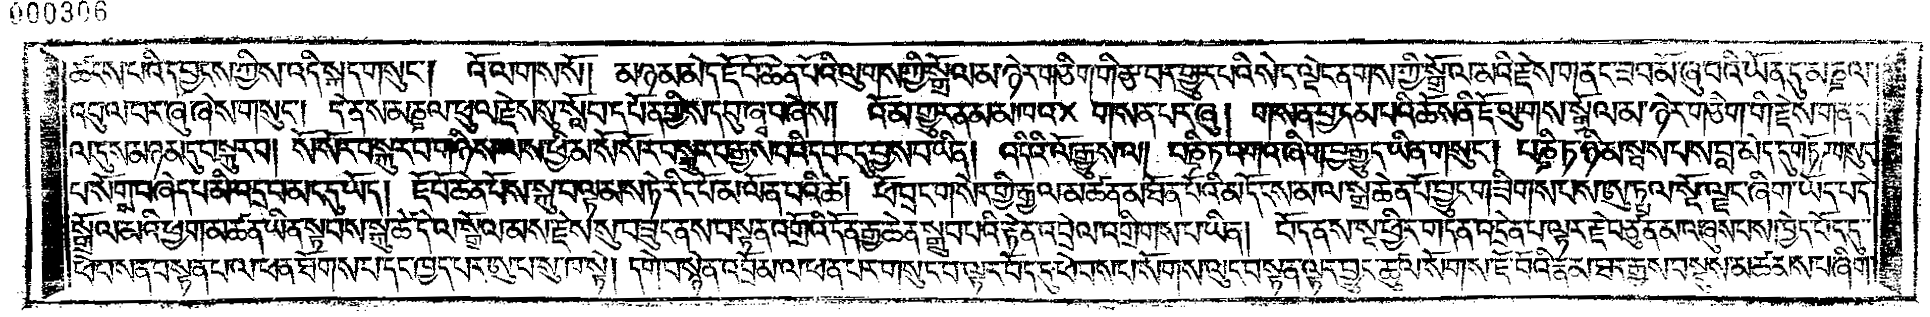ཚངས་པའི་དབྱངས་ཀྱིས་འདི་སྐད་གསུང་། འོ་ལགས་སོ། མཉམ་མེད་ཇོ་བོ་ཆེན་པོའི་ལུགས་ཀྱི་སྒྲོལ་མ་ཉེར་གཅིག་གི་རྩ་བར་གྱུར་པའི་སེང་ལྡེང་ནགས་ཀྱི་སྒྲོལ་མའི་རྗེས་གནང་ཟབ་མོ་ཞུ་བའི་ཡོན་དུ་མཎྜལ་
འབུལ་བར་ཞུ་ཞེས་གསུང་། དེ་ནས་མཎྜལ་ཕུལ་རྗེས་སུ་སློབ་དཔོན་གྱིས་དབུ་ཞྭ་བཞེས། འོ་མ་གྱུར་ནམ་མཁའ་྾་གསན་པར་ཞུ། གསན་བྱ་དམ་པའི་ཆོས་ནི་ཇོ་ལུགས་སྒྲོལ་མ་ཉེར་གཅིག་གི་རྗེས་གནང་
ལ་དུས་མཉམ་དུ་བསྐུར་བ། སོ་སོར་བསྐུར་བ་གཉིས་ལས་ཕྱི་མ་སོ་སོར་བསྐུར་བ་རྒྱས་པའི་དབང་དུ་བྱས་པ་ཡིན། འདིའི་ལོ་རྒྱུས་ལ། པཎྜི་ཏ་འགའ་ཞིག་བྱ་རྒྱུད་ཡིན་གསུང་། པཎྜི་ཏ་ཉི་མ་སྦས་པས་བླ་མེད་དུ་གཏོགས་གསུང་
པ་སོགས་བཞེད་པ་མི་འདྲ་བ་མང་དུ་ཡོད། ཇོ་བོ་ཆེན་པོས་སྐུ་བལྟམས་ཏེ་རིང་པོ་མ་ལོན་པའི་ཚེ། ཕོ་བྲང་གསེར་གྱི་རྒྱལ་མཚན་མཐོན་པོའི་མདོངས་མ་ལ་སྒྲ་ཆེན་པོ་བྱུང་གཟིགས་པས་ཨུཏྤལ་སྔོ་ལྗང་ཞིག་ཡོད་པ་དེ་
སྒྲོལ་མའི་ཕྱག་མཚན་ཡིན་སྟབས་སྐུ་ཚེ་དེ་ལ་སྒྲོལ་མས་རྗེས་སུ་བཟུང་ནས་བསྟན་འགྲོའི་དོན་རྒྱ་ཆེན་སྒྲུབ་པའི་རྟེན་འབྲེལ་འགྲིགས་པ་ཡིན། བོད་ནས་སྔ་ཕྱིར་གདན་འདྲེན་པ་ལྟར་རྗེ་བཙུན་མ་ལ་ཞུས་པས་ཁྱེད་བོད་དུ་
ཕེབས་ན་བསྟན་པ་ལ་ཕན་ཐོགས་པ་དང་ཁྱད་པར་ཨུ་པ་སུ་ཁ་སྟེ། དགེ་བསྙེན་འབྲོམ་ལ་ཕན་པར་གསུང་བ་ལྟར་བོད་དུ་ཕེབས་པ་སོགས་ལུང་བསྟན་ལྟར་བྱུང་ཚུལ་སོགས་ཇོ་བོའི་རྣམ་ཐར་རྒྱས་བསྡུས་མཚམས་པ་ཞིག་